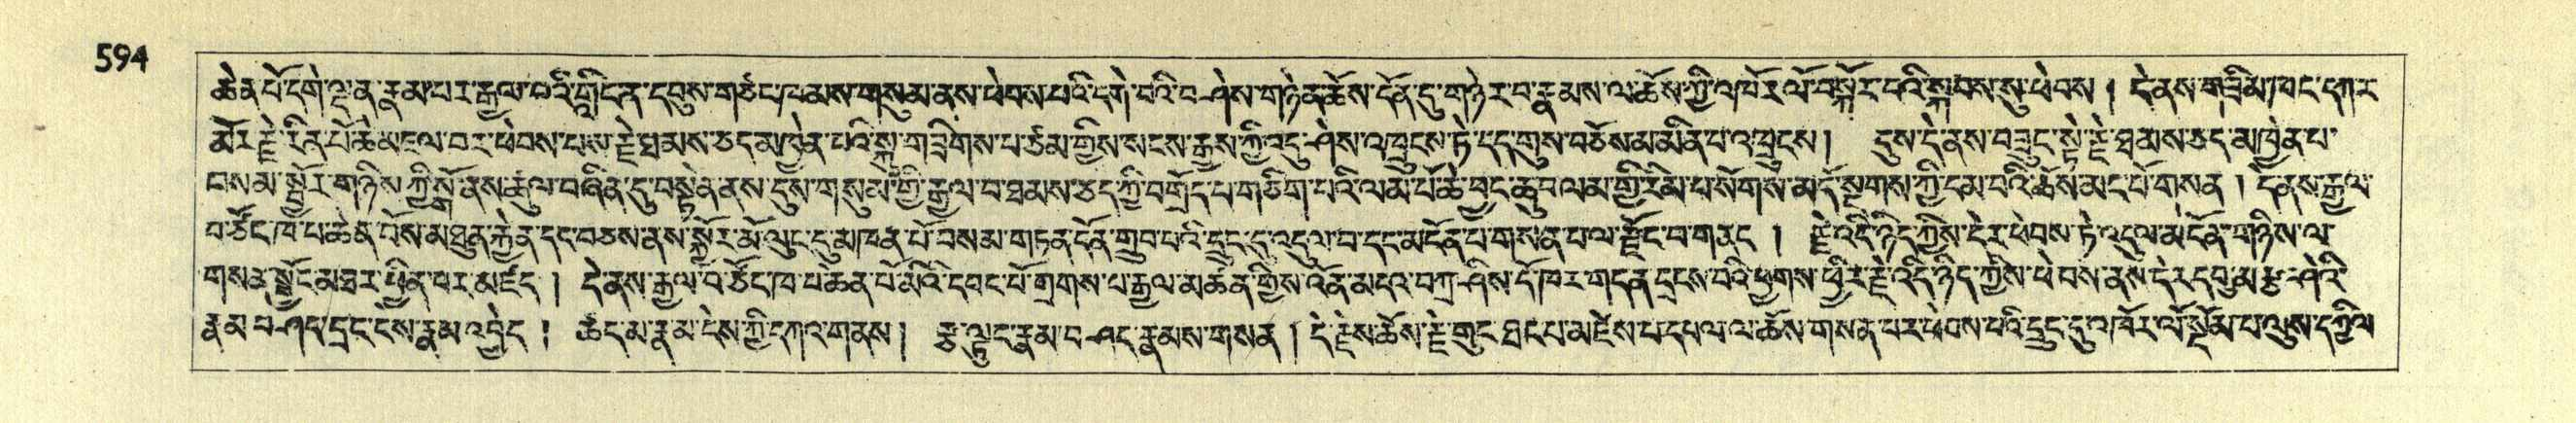ཆེན་པོ་དགེ་ལྡན་རྣམ་པར་རྒྱལ་བའི་གླིང་ན་དབུས་གཙང་ཁམས་གསུམ་ནས་ཕེབས་པའི་དགེ་བའི་བཤེས་གཉེན་ཆོས་དོན་དུ་གཉེར་བ་རྣམས་ལ་ཆོས་ཀྱི་འཁོར་ལོ་བསྐོར་བའི་སྐབས་སུ་ཕེབས། དེ་ནས་གཟིམ་ཁང་དཀར་
མོར་རྗེ་རིན་པོ་ཆེ་མཇལ་བར་ཕེབས་པས་རྗེ་ཐམས་ཅད་མཁྱེན་པའི་སྐུ་གཟིགས་པ་ཙམ་གྱིས་སངས་རྒྱས་ཀྱི་འདུ་ཤེས་འཁྲུངས་ཏེ་དད་གུས་བཅོས་མ་མིན་པ་འཁྲུངས། དུས་དེ་ནས་བཟུང་སྟེ་རྗེ་ཐམས་ཅད་མཁྱེན་པ་
བསམ་སྦྱོར་གཉིས་ཀྱི་སྒོ་ནས་ཚུལ་བཞིན་དུ་བསྟེན་ནས་དུས་གསུམ་གྱི་རྒྱལ་བ་ཐམས་ཅད་ཀྱི་བགྲོད་པ་གཅིག་པའི་ལམ་པོ་ཆེ་བྱང་ཆུབ་ལམ་གྱི་རིམ་པ་སོགས་མདོ་སྔགས་ཀྱི་དམ་བའི་ཆོས་མང་པོ་གསན། དེ་ནས་རྒྱལ་
བ་ཙོང་ཁ་པ་ཆེན་པོས་མཐུན་རྐྱེན་དང་བཅས་ནས་སྐྱོར་མོ་ལུང་དུ་མཁན་པོ་བསམ་གཏན་དོན་གྲུབ་པའི་དྲུང་དུ་འདུལ་བ་དང་མངོན་པ་གསན་པ་ལ་རྫོང་བ་གནང་། རྗེ་འདི་ཉིད་ཀྱིས་དེར་ཕེབས་ཏེ་འདུལ་མངོན་གཉིས་ལ་
གསན་སྦྱོང་མཐར་ཕྱིན་པར་མཛད། དེ་ནས་རྒྱལ་བ་ཙོང་ཁ་པ་ཆེན་པོ་མིའི་དབང་པོ་གྲགས་པ་རྒྱལ་མཚན་གྱིས་འོན་མངའ་བཀྲ་ཤིས་དོ་ཁར་གདན་དྲངས་བའི་ཕྱགས་ཕྱིར་རྗེ་འདི་ཉིད་ཀྱིས་ཕེབས་ནས་དེར་དབུ་མ་རྩ་ཤེའི་
རྣམ་བཤད་དྲང་ངེས་རྣམ་འབྱེད། ཚད་མ་རྣ་མ་ངེས་ཀྱི་དཀའ་གནས། རྩ་ལྟུང་རྣམ་བཤད་རྣམས་གསན། དེ་རྗེས་ཆོས་རྗེ་གུང་ཐང་པ་མཛེས་པ་དཔལ་ལ་ཆོས་གསན་པར་ཕེབས་པའི་དྲུང་དུ་འཁོར་ལོ་སྡོམ་པ་ལུས་དཀྱིལ་